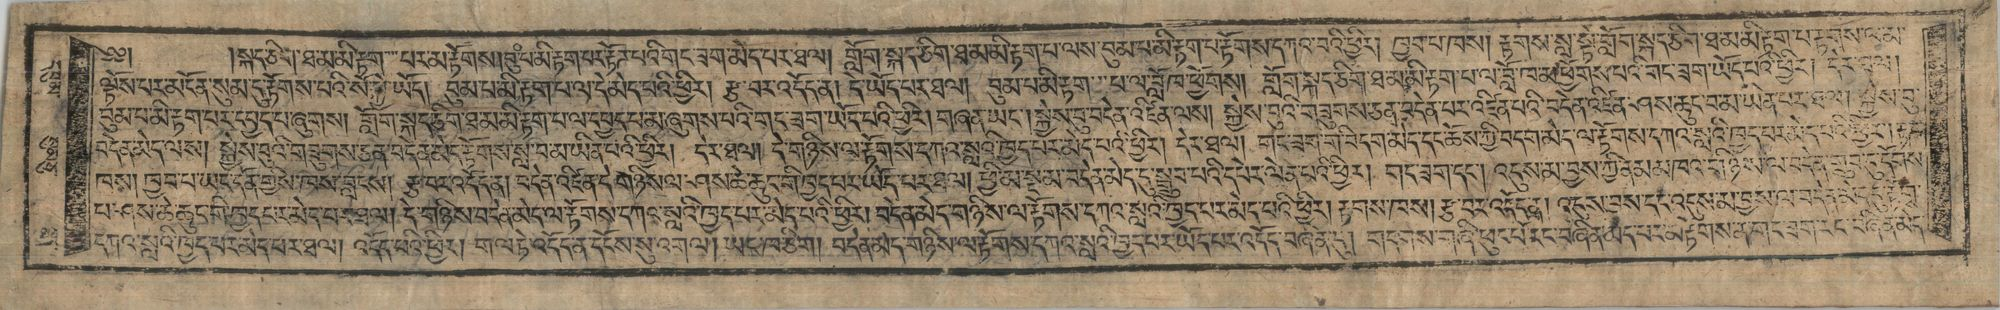༄༅། །སྐད་ཅིག་ཐ་མ་མི་རྟག་པར་མ་རྟོགས། བུམ་པ་མི་རྟག་པར་རྟོགས་པའི་གང་ཟག་མེད་པར་ཐལ། གློག་སྐད་ཅིག་ཐ་མ་མི་རྟག་པ་ལས་བུམ་པ་མི་རྟག་པ་རྟོགས་དཀའ་བའི་ཕྱིར། ཁྱབ་པ་ཁས། རྟགས་སླ་སྟེ་གློག་སྐད་ཅིག་ཐ་མ་མི་རྟག་པ་རྟགས་ལམ་
ལྟོས་པར་མངོན་སུམ་དུ་རྟོགས་པའི་སོ་སྐྱེ་ཡོད། བུམ་པ་མི་རྟག་པ་ལ་དེ་མེད་པའི་ཕྱིར། རྩ་བར་འདོད་ན། དེ་ཡོད་པར་ཐལ། བུམ་པ་མི་རྟག་པ་ལ་བློ་ཁ་ཕྱོགས། གློག་སྐད་ཅིག་ཐ་མ་མི་རྟག་པ་ལ་ཟློཁམ?་ཕྱོགས་པའི་གང་ཟག་ཡོད་པའི་ཕྱིར། དེར་ཐལ།
བུམ་པ་མི་རྟག་པར་དཔྱད་པ་ཞུགས། བློགསྐད་ཅིག་ཐ་མ་མི་རྟག་པ་ལ་དཔྱོད་པ་མ་ཞུགས་པའི་གང་ཟག་ཡོད་པའི་ཕྱིར། གཞན་ཡང་། སྐྱེས་བུ་བདེན་འཛིན་ལས། སྐྱེས་བུའི་གཟུགས་ཅན་བདེན་པར་འཛིན་པའི་བདེན་འཛིན་ཤས་ཆུང་བ་མ་ཡིན་པར་ཐལ། སྐྱེས་བུ་
བདེན་མེད་ལས། སྐྱེས་བུའི་གཟུགས་ཅན་བདེན་མེད་རྟོགས་སླ་བ་མ་ཡིན་པའི་ཕྱིར། དེར་ཐལ། དེ་གཉིས་ལ་རྟོགས་དཀའ་སླའི་ཁྱད་པར་མེད་པའི་ཕྱིར། དེར་ཐལ། གང་ཟག་གི་བདག་མེད་དང་ཆོས་ཀྱི་བདག་མེད་ལ་རྟོགས་དཀའ་སླའི་ཁྱད་པར་མེད་པའི་ཕྱིར། རྟགས་
ཁས། ཁྱབ་པ་ཡང་དོན་གྱིས་ཁས་བླངས། རྩ་བར་འདོད་ན། བདེན་འཛིན་དེ་གཉིས་ལ་ཤས་ཆེ་ཆུང་གི་ཁྱད་པར་ཡོད་པར་ཐལ། ཕྱི་མ་སྔ་མ་བདེན་མེད་དུ་སྒྲུབ་པའི་དཔེར་ལེན་པའི་ཕྱིར། གང་ཟག་དང་། འདུས་མ་བྱས་ཀྱི་ནམ་མཁའ་གཉིས་ལ་བདེན་གྲུབ་དུ་དོགས་
པ་ཤས་ཆེ་ཆུང་གི་ཁྱད་པར་མེད་པར་ཐལ། དེ་གཉིས་བདེན་མེད་ལ་རྟོགས་དཀའ་སླའི་ཁྱད་པར་མེད་པའི་ཕྱིར། བདེན་མེད་གཉིས་ལ་རྟོགས་དཀའ་སླའི་ཁྱད་པར་མེད་པའི་ཕྱིར། རྟགས་ལས། རྩ་བར་འདོད་ན། འདུས་བྱས་དང་འདུས་མ་བྱས་ལ་བདེན་མེད་དུ་རྟོགས་
དཀའ་སླའི་ཁྱད་པར་མེད་པར་ཐལ། འདོད་པའི་ཕྱིར། གལ་ཏེ་འདོད་ན་དངོས་སུ་འགལ། ཡང་ཁ་ཅིག །བདེན་མེད་གཉིས་ལ་རྟོགས་དཀའ་སླའི་བྱེད་པར་ཡོད་པར་འདོད་བཞིན་དེ། གདགས་གཞི་ཕུང་པོ་རང་བཞིན་མེད་པར་མ་རྟོགས་ན་གང་ཟག་རང་བཞིན་མེད་